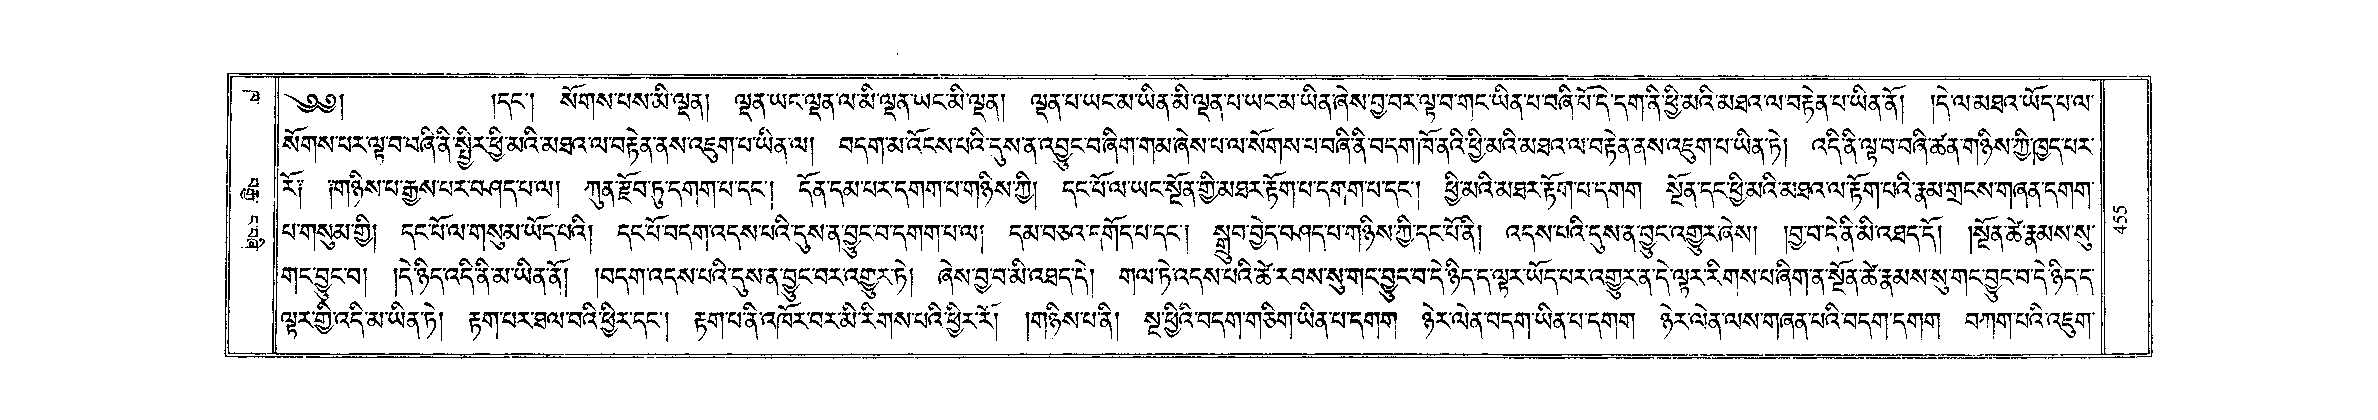༄༅། །དང་། སོགས་པས་མི་ལྡན། ལྡན་ཡང་ལྡན་ལ་མི་ལྡན་ཡང་མི་ལྡན། ལྡན་པ་ཡང་མ་ཡིན་མི་ལྡན་པ་ཡང་མ་ཡིན་ཞེས་བྱ་བར་ལྟ་བ་གང་ཡིན་པ་བཞི་པོ་དེ་དག་ནི་ཕྱི་མའི་མཐའ་ལ་བརྟེན་པ་ཡིན་ནོ། །དེ་ལ་མཐའ་ཡོད་པ་ལ་
སོགས་པར་ལྟ་བ་བཞི་ནི་སྤྱིར་ཕྱི་མའི་མཐའ་ལ་བརྟེན་ནས་འཇུག་པ་ཡིན་ལ། བདག་མ་འོངས་པའི་དུས་ན་འབྱུང་བ་ཞིག་གམ་ཞེས་པ་ལ་སོགས་པ་བཞི་ནི་བདག་ཁོ་ནའི་ཕྱི་མའི་མཐའ་ལ་བརྟེན་ནས་འཇུག་པ་ཡིན་ཏེ། འདི་ནི་ལྟ་བ་བཞི་ཚན་གཉིས་ཀྱི་ཁྱད་པར་
རོ༑ ༑གཉིས་པ་རྒྱས་པར་བཤད་པ་ལ། ཀུན་རྫོབ་ཏུ་དགག་པ་དང་། དོན་དམ་པར་དགག་པ་གཉིས་ཀྱི། དང་པོ་ལ་ཡང་སྔོན་གྱི་མཐར་རྟོག་པ་དགག་པ་དང་། ཕྱི་མའི་མཐར་རྟོག་པ་དགག་སྔོན་དང་ཕྱི་མའི་མཐའ་ལ་རྟོག་པའི་རྣམ་གྲངས་གཞན་དགག་
པ་གསུམ་གྱི། དང་པོ་ལ་གསུམ་ཡོད་པའི། དང་པོ་བདག་འདས་པའི་དུས་ན་བྱུང་བ་དགག་པ་ལ། དམ་བཅའ་དགོད་པ་དང་། སྒྲུབ་བྱེད་བཤད་པ་གཉིས་ཀྱི་དང་པོ་ནི། འདས་པའི་དུས་ན་བྱུང་འགྱུར་ཞེས། །བྱ་བ་དེ་ནི་མི་འཐད་དོ། །སྔོན་ཚེ་རྣམས་སུ་
གང་བྱུང་བ། །དེ་ཉིད་འདི་ནི་མ་ཡིན་ནོ། །བདག་འདས་པའི་དུས་ན་བྱུང་བར་འགྱུར་ཏེ། ཞེས་བྱ་བ་མི་འཐད་དེ། གལ་ཏེ་འདས་པའི་ཚེ་རབས་སུ་གང་བྱུང་བ་དེ་ཉིད་ད་ལྟར་ཡོད་པར་འགྱུར་ན་དེ་ལྟར་རིགས་པ་ཞིག་ན་སྔོན་ཚེ་རྣམས་སུ་གང་བྱུང་བ་དེ་ཉིད་ད་
ལྟར་གྱི་འདི་མ་ཡིན་ཏེ། རྟག་པར་ཐལ་བའི་ཕྱིར་དང་། རྟག་པ་ནི་འཁོར་བར་མི་རིགས་པའི་ཕྱིར་རོ། །གཉིས་པ་ནི། སྔ་ཕྱིའི་བདག་གཅིག་ཡིན་པ་དགག་ཉེར་ལེན་བདག་ཡིན་པ་དགག་ཉེར་ལེན་ལས་གཞན་པའི་བདག་དགག་བཀག་པའི་འཇུག་